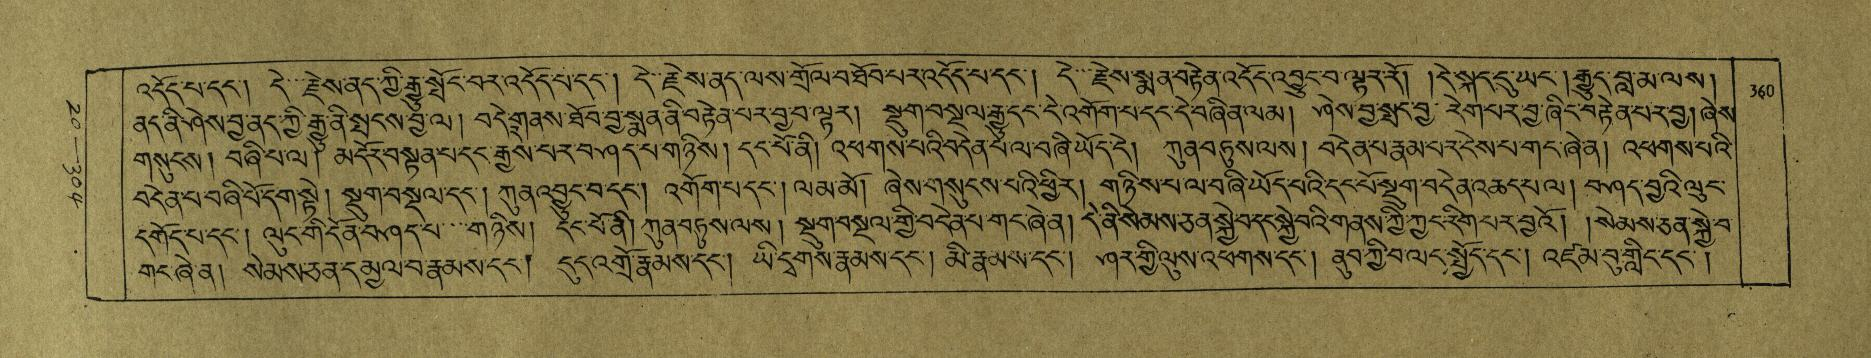འདོད་པ་དང་། དེ་རྗེས་ནད་ཀྱི་རྒྱུ་སྤོང་བར་འདོད་པ་དང་། དེ་རྗེས་ནད་ལས་གྲོལ་བ་ཐོབ་པར་འདོད་པ་དང་། དེ་རྗེས་སྨན་བརྟེན་འདོད་འབྱུང་བ་ལྟར་རོ། །དེ་སྐད་དུ་ཡང་། རྒྱུད་བླ་མ་ལས།
ནད་ནི་ཤེས་བྱ་ནད་ཀྱི་རྒྱུ་ནི་སྤངས་བྱ་ལ། བདེར་གནས་ཐོབ་བྱ་སྨན་ནི་བརྟེན་པར་བྱ་བ་ལྟར། སྡུག་བསྔལ་རྒྱུ་དང་དེ་འགོག་པ་དང་དེ་བཞིན་ལམ། ཤེས་བྱ་སྤང་བྱ་རེག་པར་བྱ་ཞིང་བརྟེན་པར་བྱ། ཞེས་
གསུངས། བཞི་པ་ལ། མདོར་བསྟན་པ་དང་རྒྱས་པར་བཤད་པ་གཉིས། དང་པོ་ནི། འཕགས་པའི་བདེན་པ་ལ་བཞི་ཡོད་དེ། ཀུན་བཏུས་ལས། བདེན་པ་རྣམ་པར་ངེས་པ་གང་ཞེ་ན། འཕགས་པའི་
བདེན་པ་བཞི་པོ་དག་སྟེ། སྡུག་བསྔལ་དང་། ཀུན་འབྱུང་བ་དང་། འགོག་པ་དང་། ལམ་མོ། ཞེས་གསུངས་པའི་ཕྱིར། གཉིས་པ་ལ་བཞི་ཡོད་པའི་དང་པོ་སྡུག་བདེན་འཆད་པ་ལ། བཤད་བྱའི་ལུང་
དགོད་པ་དང་། ལུང་གི་དོན་བཤད་པ་གཉིས། དང་པོ་ནི། ཀུན་བཏུས་ལས། སྡུག་བསྔལ་གྱི་བདེན་པ་གང་ཞེ་ན། དེ་ནི་སེམས་ཅན་སྐྱེ་བ་དང་སྐྱེ་བའི་གནས་ཀྱི་ཀྱང་རིག་པར་བྱའོ། །སེམས་ཅན་སྐྱེ་བ་
གང་ཞེ་ན། སེམས་ཅན་དམྱལ་བ་རྣམས་དང་། དུད་འགྲོ་རྣམས་དང་། ཡི་དྭགས་རྣམས་དང་། མི་རྣམས་དང་། ཤར་གྱི་ལུས་འཕགས་དང་། ནུབ་ཀྱི་བ་ལང་སྤྱོད་དང་། འཛམ་བུ་གླིང་དང་།